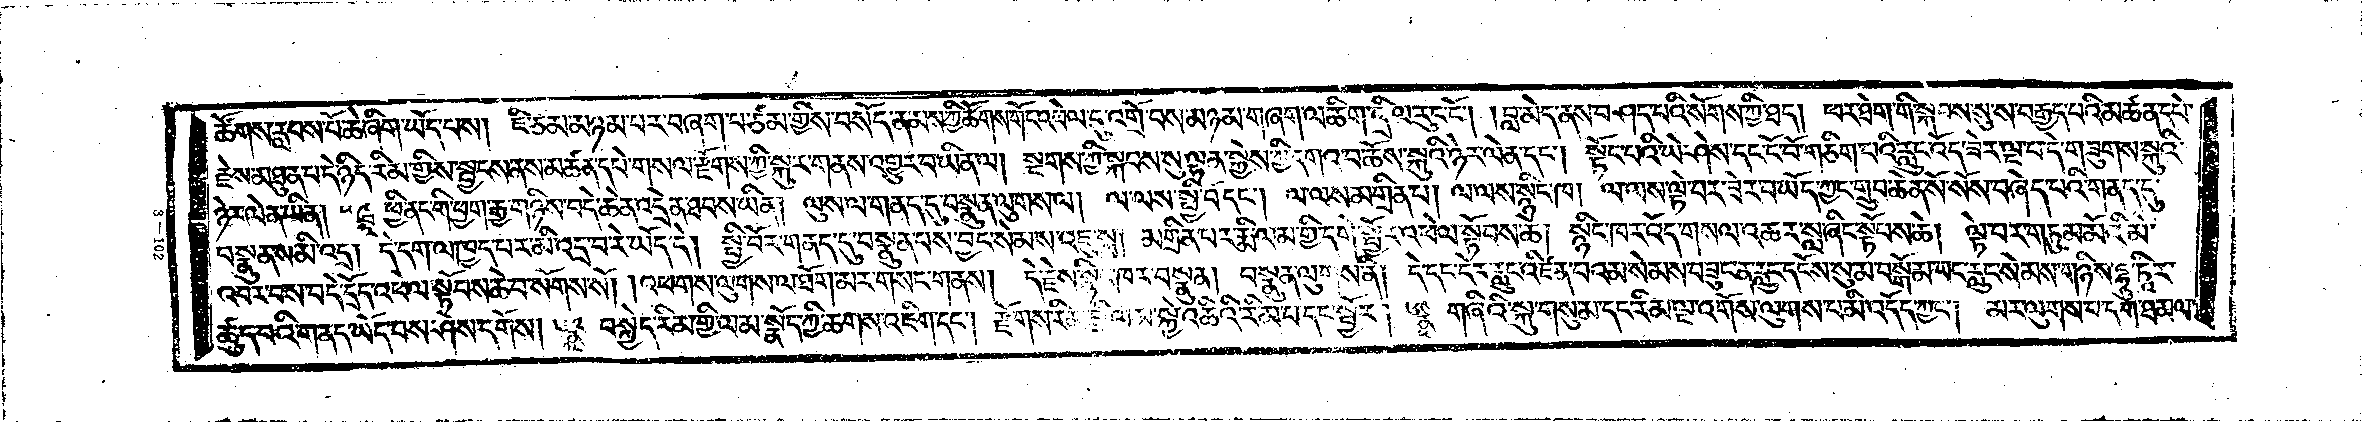ཚོགས་རླབས་པོ་ཆེ་ཞིག་ཡོད་པས། ཇི་ཙམ་མཉམ་པར་བཞག་པ་ཙམ་གྱིས་བསོད་ནམས་ཀྱི་ཚོགས་གོང་འཕེལ་དུ་འགྲོ་བས་མཉམ་གཞག་ལ་ཆིག་དྲིལ་རུང་ངོ། །བླ་མེད་ནས་བཤད་པའི་སོགས་ཀྱི་ཐད། ཕར་ཐེག་གི་སྐབས་སུ་ས་བརྒྱད་པའི་མཚན་དཔེ་
རྗེས་མཐུན་པ་དེ་ཉིད་རིམ་གྱིས་སྦྱངས་ནས་མཚན་དཔེ་གསལ་རྫོགས་ཀྱི་སྐུར་གནས་འགྱུར་བ་ཡིན་ལ། སྔགས་ཀྱི་སྐབས་སུ་ལྷན་སྐྱེས་ཀྱི་དགའ་བ་ཆོས་སྐུའི་ཉེར་ལེན་དང་། སྟོང་པའི་ཡེ་ཤེས་དང་ངོ་བོ་གཅིག་པའི་རླུང་འོད་ཟེར་ལྔ་པ་དེ་གཟུགས་སྐུའི་
ཉེར་ལེན་ཡིན། ༥༩་ཕྱི་ནང་གི་ཕྱག་རྒྱ་གཉིས་བདེ་ཆེན་འདྲེན་ཐབས་ཡིན། ལུས་ལ་གནད་དུ་བསྣུན་ལུགས་ལ། ལ་ལས་སྤྱི་བ་དང་། ལ་ལས་མགྲིན་པ། ལ་ལས་སྙིང་ཁ། ལ་ལས་ལྟེ་བར་ཟེར་བ་ཡོད་ཀྱང་གྲུབ་ཆེན་སོ་སོས་བཞེད་པའི་གནད་དུ་
བསྣུན་ནས་མི་འདྲ། དེ་དག་ལ་ཁྱད་པར་མི་འདྲ་བ་རེ་ཡོད་དེ། སྤྱི་བོར་གནད་དུ་བསྣུན་པས་བྱང་སེམས་འཇུ་སླ། མགྲིན་པར་རྨི་ལམ་གྱི་དགེ་སྦྱོར་འཕེལ་སྟོབས་ཆེ། སྙིང་ཁར་འོད་གསལ་འཆར་སླ་ཞིང་སྟོབས་ཆེ། ལྟེ་བར་གཏུམ་མོའི་མེ་
འབར་བས་བདེ་དྲོད་འཕེལ་སྟོབས་ཆེ་བ་སོགས་སོ། །འཕགས་ལུགས་ལ་ཐོག་མར་གསང་གནས། དེ་རྗེས་སྙིང་ཁར་བསྣུན། བསྣུན་ལུགས་ནི། དེ་དང་དེར་རླུང་འཛིན་བའམ་སེམས་བཟུང་ན་རླུང་དངོས་སུ་མ་བསྒོམ་ཡང་རླུང་སེམས་གཉིས་ཧཱུཾ་ཏཱིར་
ཚུད་པའི་གནད་ཡོད་བས་ཤེས་དགོས། ༦༢་བསྐྱེད་རིམ་གྱི་ལམ་སྣོད་ཀྱི་ཆགས་འཇིག་དང་། རྫོགས་རིམ་གྱི་ལམ་སྐྱེ་འཆིའི་རིམ་པ་དང་སྦྱོར། ༦༤ན༥་གཞིའི་སྐུ་གསུམ་དང་རིམ་ལྔ་འགོས་ལུགས་པ་མི་འདོད་ཀྱང་། མར་ལུགས་པ་དག་ཐ་མལ་